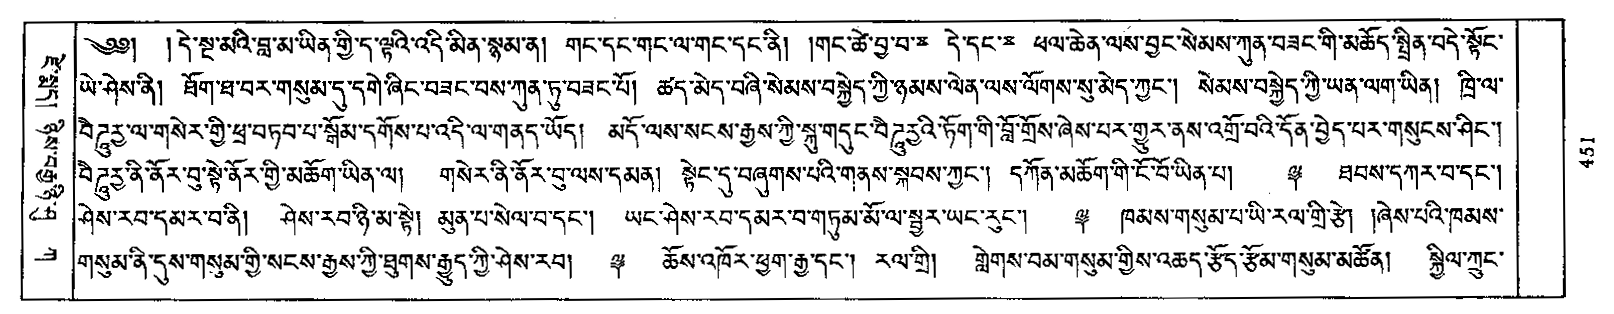༄༅། །དེ་སྔ་མའི་བླ་མ་ཡིན་གྱི་ད་ལྟའི་འདི་མིན་སྙམ་ན། གང་དང་གང་ལ་གང་དང་ནི། །གང་ཚེ་བྱ་བ་྾་དེ་དང་྾་ཕལ་ཆེན་ལས་བྱང་སེམས་ཀུན་བཟང་གི་མཆོད་སྤྲིན་བདེ་སྟོང་
ཡེ་ཤེས་ནི། ཐོག་ཐ་བར་གསུམ་དུ་དགེ་ཞིང་བཟང་བས་ཀུན་ཏུ་བཟང་པོ། ཚད་མེད་བཞི་སེམས་བསྐྱེད་ཀྱི་ཉམས་ལེན་ལས་ལོགས་སུ་མེད་ཀྱང་། སེམས་བསྐྱེད་ཀྱི་ཡན་ལག་ཡིན། ཁྲི་ལ་
བཻཌཱུརྱ་ལ་གསེར་གྱི་ཕྲ་བཏབ་པ་སྒོམ་དགོས་པ་འདི་ལ་གནད་ཡོད། མདོ་ལས་སངས་རྒྱས་ཀྱི་སྐུ་གདུང་བཻཌཱུརྱའི་ཏོག་གི་བློ་གྲོས་ཞེས་པར་གྱུར་ནས་འགྲོ་བའི་དོན་བྱེད་པར་གསུངས་ཤིང་།
བཻཌཱུརྱ་ནི་ནོར་བུ་སྟེ་ནོར་གྱི་མཆོག་ཡིན་ལ། གསེར་ནི་ནོར་བུ་ལས་དམན། སྟེང་དུ་བཞུགས་པའི་གནས་སྐབས་ཀྱང་། དཀོན་མཆོག་གི་ངོ་བོ་ཡིན་པ། ༈ ཐབས་དཀར་བ་དང་།
ཤེས་རབ་དམར་བ་ནི། ཤེས་རབ་ཉི་མ་སྟེ། མུན་པ་སེལ་བ་དང་། ཡང་ཤེས་རབ་དམར་བ་གཏུམ་མོ་ལ་སྦྱར་ཡང་རུང་། ༈ ཁམས་གསུམ་པ་ཡི་རལ་གྲི་རྩེ། །ཞེས་པའི་ཁམས་
གསུམ་ནི་དུས་གསུམ་གྱི་སངས་རྒྱས་ཀྱི་ཐུགས་རྒྱུད་ཀྱི་ཤེས་རབ། ༈ ཆོས་འཁོར་ཕྱག་རྒྱ་དང་། རལ་གྲི། གླེགས་བམ་གསུམ་གྱིས་འཆད་རྩོད་རྩོམ་གསུམ་མཚོན། སྐྱིལ་ཀྲུང་